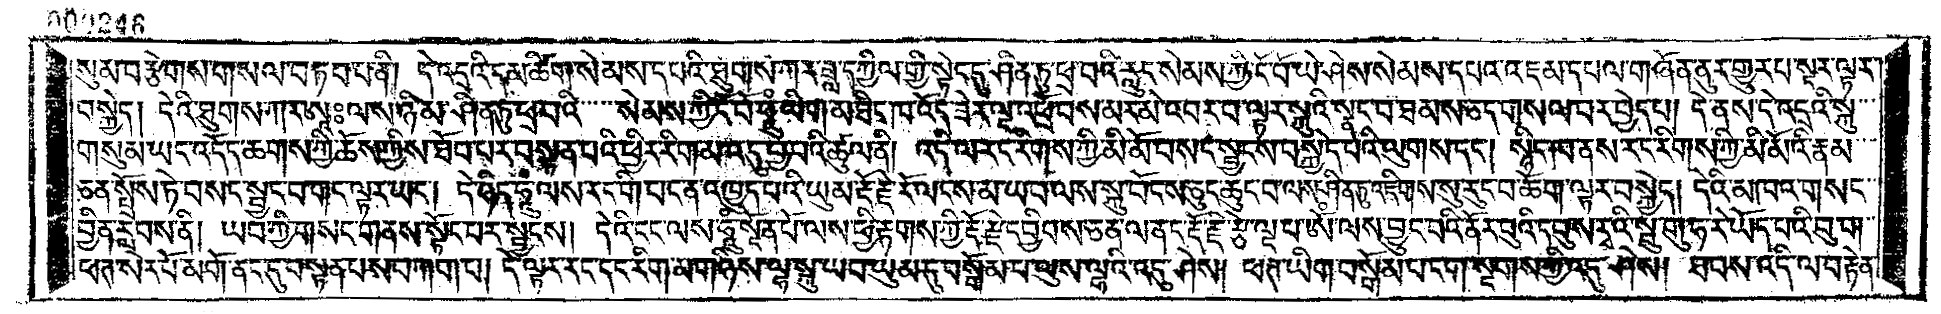སུམ་བརྩེགས་གསལ་བཏབ་པ་ནི། དེ་འདྲའི་དམ་ཚིག་སེམས་དཔའི་ཐུགས་ཀར་ཟླ་དཀྱིལ་གྱི་སྟེང་དུ་ཤིན་ཏུ་ཕྲ་བའི་རླུང་སེམས་ཀྱི་ངོ་བོ་ཡེ་ཤེས་སེམས་དཔའ་འཇམ་དཔལ་གཞོན་ནུར་གྱུར་པ་སྔར་ལྟར་
བསྐྱེད། དེའི་ཐུགས་ཀར་ཨཱཿ ལས་ཉི་མ་ཤིན་ཏུ་ཕྲ་བའི་སེམས་ཀྱི་ངོ་བོ་ཧཱུཾ་ཡིག་མཐིང་ཁ་འོད་ཟེར་ལྔ་འཕྲོ་བས་མར་མེ་འབར་བ་ལྟར་སྐུའི་སྣང་བ་ཐམས་ཅད་གསལ་བར་བྱེད་པ། དེ་ནས་དེ་འདྲའི་སྐུ་
གསུམ་ཡང་འདོད་ཆགས་ཀྱི་ཆོས་ཀྱིས་ཐོབ་པར་བསྟན་པའི་ཕྱིར་རིག་མ་འདུ་བྱ་བའི་ཚུལ་ནི། འདི་ལ་རང་རིགས་ཀྱི་མི་མོ་བསང་སྦྱངས་བསྐྱེད་པའི་ལུགས་དང་། སྙིང་ཁ་ནས་རང་རིགས་ཀྱི་མི་མོའི་རྣམ་
ཅན་སྤྲོས་ཏེ་བསང་སྦྱང་བ་གང་ལྟར་ཡང་། དེ་ཉིད་ཧཱུཾ་ལས་རང་གི་བང་ན་འཁྱུད་པའི་ཡུམ་རྡོ་རྗེ་རོ་ལངས་མ་ཡབ་ལས་སྐུ་བོངས་ཅུང་ཆུང་བ་ལས་ཤིན་ཏུ་འཇིགས་སུ་རུང་བ་ཆོག་ལྟར་བསྐྱེད། དེའི་མཁའ་གསང་
བྱིན་རླབས་ནི། ཡབ་ཀྱི་གསང་གནས་སྟོང་པར་སྦྱངས། དེའི་ངང་ལས་ཧཱུཾ་སྔོན་པོ་ལས་ཕྱི་རྟགས་ཀྱི་རྡོ་རྗེ་དབྱིབས་ཅན་ལ་ནང་རྡོ་རྗེ་རྩེ་ལྔ་པ་ཨོཾ་ལས་བྱུང་བའི་ནོར་བུའི་དབུས་རྭའི་སྦུ་གུ་ཧ་རེ་ཡོད་པའི་བུ་ག་
ཕཊ་སེར་པོ་མགོ་ནང་དུ་བསྟན་པས་བཀག་པ། དེ་ལྟར་རང་དང་རིག་མ་གཉིས་ལྷ་སྐུ་ཡབ་ཡུམ་དུ་བསྒོམ་པ་ལུས་ལྷའི་འདུ་ཤེས། ཕཊ་ཡིག་བསྒོམ་པ་ངག་སྔགས་ཀྱི་འདུ་ཤེས། ཐབས་འདི་ལ་བརྟེན་